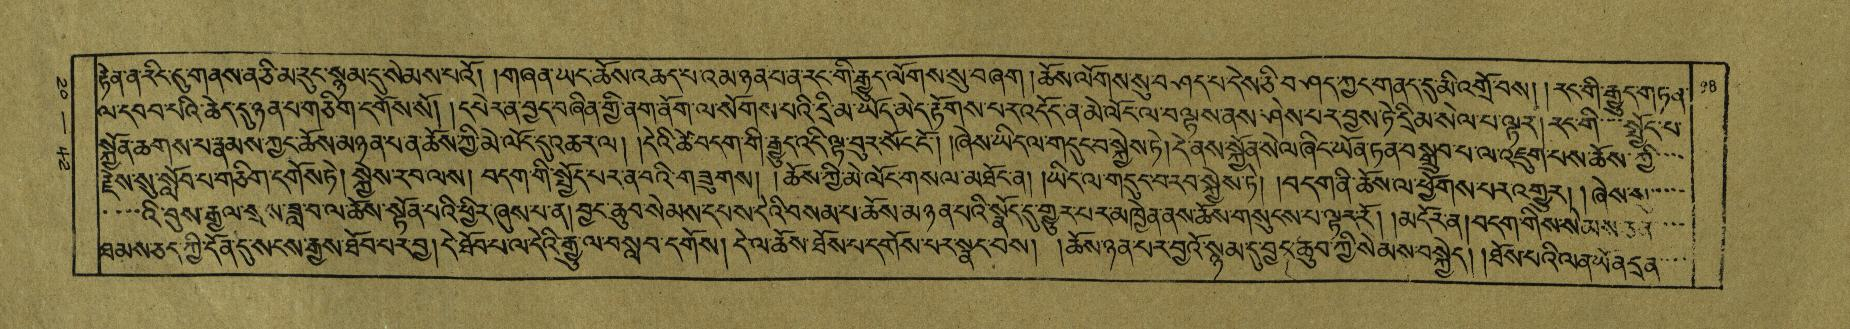རྟེན་ན་རིང་དུ་གནས་ན་ཅི་མ་རུང་སྙམ་དུ་སེམས་པའོ། །གཞན་ཡང་ཆོས་འཆད་པ་འམ་ཉན་པ་ན་རང་གི་རྒྱུད་ལོགས་སུ་བཞག །ཆོས་ལོགས་སུ་བཤད་པ་དེས་ཅི་བཤད་ཀྱང་གནད་དུ་མི་འགྲོ་བས། །རང་གི་རྒྱུད་གཏན་
ལ་དབབ་པའི་ཆེད་དུ་ཉན་པ་གཅིག་དགོས་སོ། །དཔེར་ན་བྱད་བཞིན་གྱི་ནག་ནོག་ལ་སོགས་པའི་དྲི་མ་ཡོད་མེད་རྟོགས་པར་འདོད་ན་མེ་ལོང་ལ་བལྟས་ནས་ཤེས་པར་བྱས་ཏེ་དྲི་མ་སེལ་པ་ལྟར། རང་གི་སྤྱོད་པ་
སྐྱོན་ཆགས་པ་རྣམས་ཀྱང་ཆོས་མཉན་པ་ན་ཆོས་ཀྱི་མེ་ལོང་དུ་འཆར་ལ། །དེའི་ཚེ་བདག་གི་རྒྱུད་འདི་ལྟ་བུར་སོང་ངོ། །ཞེས་ཡིད་ལ་གདུང་བ་སྐྱེས་ཏེ། དེ་ནས་སྐྱོན་སེལ་ཞིང་ཡོན་ཏན་བསྒྲུབ་པ་ལ་འཇུག་པས་ཆོས་ཀྱི་
རྗེས་སུ་སློབ་པ་གཅིག་དགོས་ཏེ། སྐྱེས་རབ་ལས། བདག་གི་སྤྱོད་པར་ན་བའི་གཟུགས། །ཆོས་ཀྱི་མེ་ལོང་གསལ་མཐོང་ན། །ཡིད་ལ་གདུང་བ་རབ་སྐྱེས་ཏེ། །བདག་ནི་ཆོས་ལ་ཕྱོགས་པར་འགྱུར། །ཞེས་སུ་
འི་བུས་རྒྱལ་སྲས་ཟླ་བ་ལ་ཆོས་སྟོན་པའི་ཕྱིར་ཞུས་པ་ན། བྱང་ཆུབ་སེམས་དཔས་དེའི་བསམ་པ་ཆོས་མཉན་པའི་སྣོད་དུ་གྱུར་པར་མཁྱེན་ནས་ཆོས་གསུངས་པ་ལྟར་རོ། །མདོར་ན། བདག་གིས་སེམས་ཅན་
ཐམས་ཅད་ཀྱི་དོན་དུ་སངས་རྒྱས་ཐོབ་པར་བྱ། དེ་ཐོབ་པ་ལ་དེའི་རྒྱུ་ལ་བསླབ་དགོས། དེ་ལ་ཆོས་ཐོས་པ་དགོས་པར་སྣང་བས། །ཆོས་ཉན་པར་བྱའོ་སྙམ་དུ་བྱང་ཆུབ་ཀྱི་སེམས་བསྐྱེད། །ཐོས་པའི་ལན་ཡོན་དྲན་